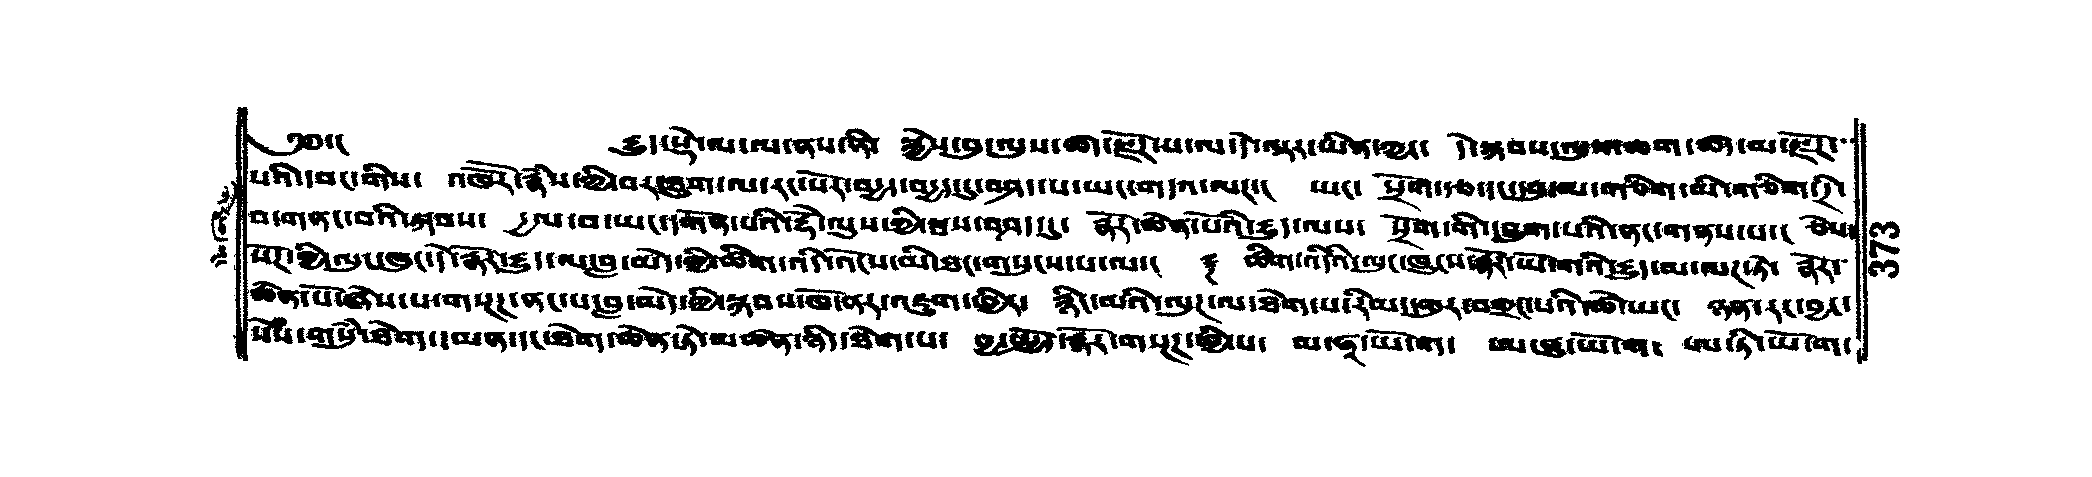རྒྱུད་སྡེ་ལ་ལ་ནས་ནི། སྐྱེས་བུ་ལུས་ཚད་རྫོགས་པ་ལ་དེ་ལྟར་ཡིན་ཀྱང་། དེ་སྐབས་ལུས་ཆག་ཚད་ལ་རྫོགས་
པའི་དབང་གིས། འཁོར་ལོ་རྣམས་ཀྱི་བར་ཐུག་ལ་རང་སོར་བརྒྱད་བརྒྱད་དུ་བཤད་པ་ཡང་གདའ་ལགས། ཡང་། སྲོག་རྩ་དང་དབུ་མ་གཅིག་མི་གཅིག་དྲི་
བ་གནང་བའི་སྐབས། རྒྱལ་བ་ཡང་དགོན་པའི་རྡོ་རྗེ་ལུས་ཀྱི་སྦས་བཤད་དུ། རྣལ་འབྱོར་ཆེན་པོའི་རྒྱུད་ལས། སྲོག་གི་དབྱུག་པའི་ནང་གནས་པ། ཞེས་
སོགས་ཀྱི་ལུང་ཁུངས་དེ་རྣལ་འབྱོར་རྒྱུད་ལ་བླ་མེད་ཀྱི་ཚིག་འདི་འོང་མི་ཐང་གསུངས་པ་ལ། ཚིག་འདིའི་ལུང་ཁུངས་རྣལ་འབྱོར་ཡོ་གའི་རྒྱུད་མ་ལགས་ཏེ། རྣལ་འབྱོར་
ཆེན་པོ་ཞེས་པ་གསང་སྔགས་ནང་པ་བླ་མེད་ཀྱི་སྐབས་ཁོ་ནར་འཇུག་ཕྱིར། རྙིང་མའི་ལུགས་ལ་ཐེག་པ་རིམ་དགུར་བགྲང་པའི་ཚེ་ཡང་། ཉན་རང་བྱང་
སེམས་གསུམ་ཐེག་དམན་དང་ཐེག་ཆེན་ཏེ་མཚན་ཉིད་ཐེག་པ། བྱ་སྤྱོད་རྣལ་འབྱོར་གསང་སྔགས་ཕྱི་པ། མ་ཧཱ་ཡོ་ག ཨ་ནུ་ཡོ་ག ཨ་ཏི་ཡོ་ག་